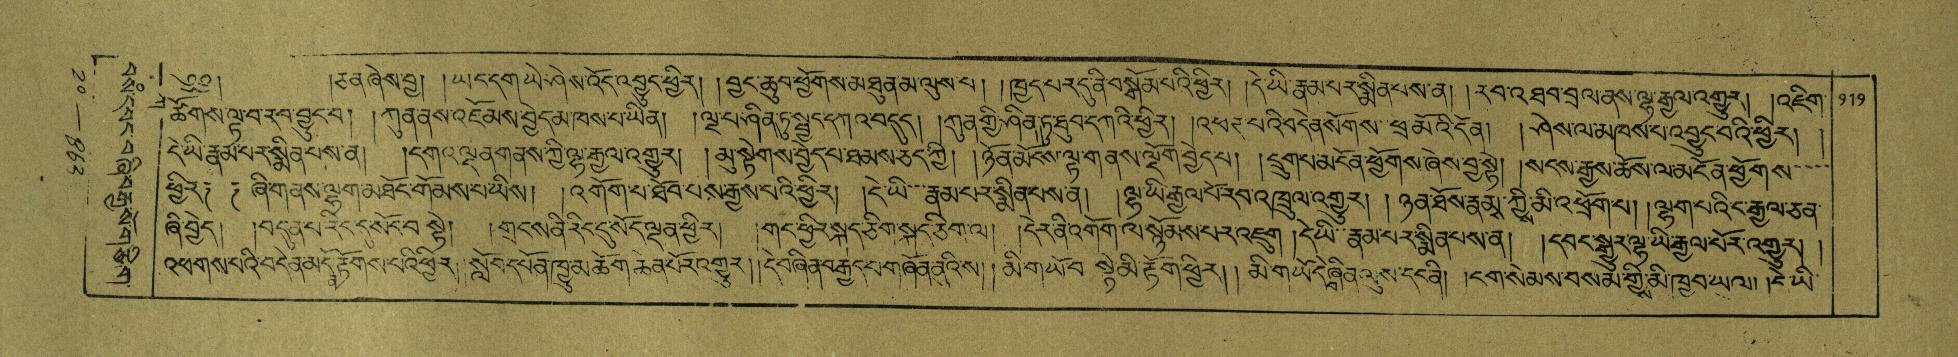༄༅། །ཅན་ཞེས་བྱ། །ཡང་དག་ཡེ་ཤེས་འོང་འབྱུང་ཕྱིར། །བྱང་ཆུབ་ཕྱོགས་མཐུན་མ་ལུས་པ། །ཁྱད་པར་དུ་ནི་བསྒོམ་པའི་ཕྱིར། །དེ་ཡི་རྣམ་པར་སྨིན་པས་ན། །རབ་འཐབ་བྲལ་ནས་ལྷ་རྒྱལ་འགྱུར། །འཇིག་
ཚོགས་ལྟ་བ་རབ་བྱུང་བ། །ཀུན་ནས་འཇོམས་བྱེད་མ་ཁས་པ་ཡིན། །ལྔ་པ་ཤིན་ཏུ་སྦྱང་དཀའ་བདུད། །ཀུན་གྱི་ཤིན་ཏུ་ཐུབ་དཀའི་ཕྱིར། །འཕཊ་པའི་བདེན་སོགས་ཕྲ་མོའི་དོན། །ཤེས་ལ་མཁས་པ་འབྱུང་བའི་ཕྱིར། །
དེ་ཡི་རྣམ་པར་སྨིན་པས་ན། །དགའ་ལྡན་གནས་ཀྱི་ལྷ་རྒྱལ་འགྱུར། །མུ་སྟེགས་བྱེད་པ་ཐམས་ཅད་ཀྱི། །ཉོན་མོངས་ལྟ་གནས་ལྡོག་བྱེད་པ། །དྲུག་པ་མངོན་ཕྱོགས་ཞེས་བྱ་སྟེ། །སངས་རྒྱས་ཆོས་ལ་མངོན་ཕྱོགས་
ཕྱིར༑ ༑ཞི་གནས་ལྷག་མཐོང་གོམས་པ་ཡིས། །འགོག་པ་ཐོབ་པས་རྒྱས་པའི་ཕྱིར། །དེ་ཡི་རྣམ་པར་སྨིན་པས་ན། །ལྷ་ཡི་རྒྱལ་པོ་རབ་འཁྲུལ་འགྱུར། །ཉན་ཐོས་རྣམས་ཀྱིས་མི་འཕྲོག་པ། །ལྷག་པའི་ང་རྒྱལ་ཅན་
ཞི་བྱེད། །བདུན་པ་རིང་དུ་སོང་བ་སྟེ། །གྲངས་ནི་རིང་དུ་སོང་ལྡན་ཕྱིར། །གང་ཕྱིར་སྐད་ཅིག་སྐད་ཅིག་ལ། །དེར་ནི་འགོག་ལ་སྙོམས་པར་འཇུག །དེ་ཡི་རྣམ་པར་སྨིན་པས་ན། །དབང་སྒྱུར་ལྷ་ཡི་རྒྱལ་པོར་འགྱུར། །
འཕགས་པའི་བདེན་མངོན་རྟོགས་པའི་ཕྱིར། །སློབ་དཔོན་ཁྱུ་མཆོག་ཆེན་པོར་འགྱུར། །དེ་བཞིན་བརྒྱད་པ་གཞོན་ནུའི་ས། །མི་གཡོ་བ་སྟེ་མི་རྟོག་ཕྱིར། །མི་གཡོ་དེ་བཞིན་ལུས་དང་ནི། །ངག་སེམས་བསམ་གྱིས་མི་ཁྱབ་ཡུལ། །དེ་ཡི་